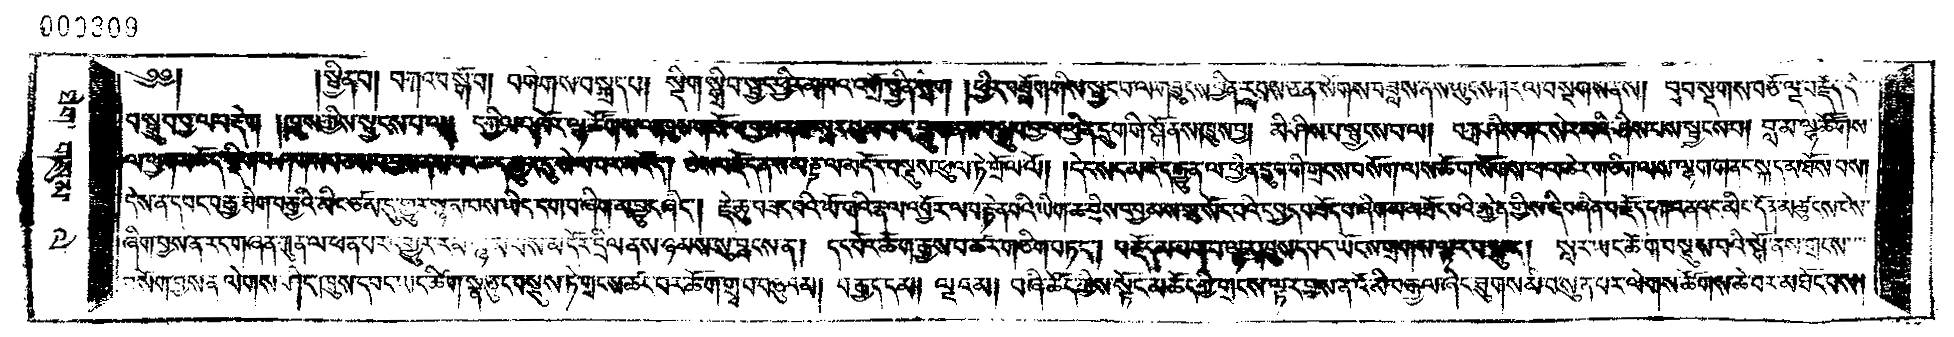༄༅། །སྦྱིན་པ། བཀའ་བསྒོ་བ། བགེགས་བསྐྲད་པ། སྡིག་སྒྲིབ་སྦྱང་ཕྱིར་མཁའ་འགྲོ་སྦྱིན་སྲེག །ཕྱིར་བཟློག་གིས་སྦྱང་བ་ལ་གཟུངས་བྱིན་རླབས་ཅན་སོགས་བཟླས་ནས་ཡུངས་ཀར་ལ་བསྔགས་ནས། བྲབ་སྔགས་བཅོ་ལྔ་བརྗོད་དེ་
བསྒྲུབ་བྱ་ལ་བརྡེག །ཁྲུས་ཀྱིས་སྦྱངས་པ་ལ། དཀྱིལ་འཁོར་ལྷ་ཚོགས་ལ་ཁྲུས་གསོལ་བྱས་ནས་སླར་བུམ་པར་བླུག་ནས་བསྒྲུབ་བྱ་ལ་ཕྱིན་དྲུག་གི་སྒོ་ནས་ཁྲུས་བྱ། མི་ཤིས་པ་སྦྱངས་བ་ལ། བཀྲ་ཤིས་གང་སེར་མའི་ཤིས་པས་སྦྱངས་པ། བླ་མ་ལྷ་ཚོགས་
ལ་ཕྱག་མཆོད་སྡིག་བཤགས་བཅས་པ་བྱས་ནས་བར་ཆད་མྱུར་དུ་སེལ་བར་མཛོད། ཅེས་བརྗོད་ནས་མཎྜལ་མདོར་བསྡུས་ཕུལ་ཏེ་གྲོལ་ལོ། །དེང་སང་མཛད་རྒྱུན་ལ་ཕྱིན་དྲུག་གི་གྲངས་བསོག་ལས་ཆོ་ག་སོགས་ཕལ་ཆེར་གཅིག་ལས་ལྷག་གནང་སྐད་མ་ཐོས་བས།
དེས་ན་དབང་བརྒྱ་ཐིག་བརྒྱའི་མིང་ཙམ་དུ་གྱུར་སྙམ་པས་ཡིད་དག་བ་ཞིག་མ་བྱུང་ཞིང་། རྗེ་ཆུ་བཟང་བའི་ཡོ་གའི་རྣལ་འབྱོར་ལ་བརྟེན་པའི་ཡིག་ཆ་བྲིས་འབྱམས་སུ་སོང་བའི་དཔྱད་བཟོད་པ་ཞིག་མ་མཐོང་བའི་རྐྱེན་གྱིས་ཇི་བཞིན་བརྗོད་དཀའ་ནའང་མིང་དོན་མཚུངས་ངེས་
ཞིག་བྱས་ན་རང་གཞན་ཀུན་ལ་ཕན་པར་འགྱུར་རམ་སྙམ་པས་མདོར་དྲིལ་ནས་ཉམས་སུ་བླངས་ན། དང་པོར་ཆོ་ག་རྒྱས་པ་ཚར་གཅིག་བཏང་། བརྗོད་མ་ཐག་པ་ལྟར་ཁྲུས་དབང་ཡོངས་གྲགས་ལྟར་བསྐུར། སླར་ཡང་ཆོ་ག་བསྡུས་པའི་སྒོ་ནས་གྲངས་
བསོག་བྱས་ན་ལེགས་ཤིང་ཁྲུས་དབང་ཡང་ཚིག་སྣ་ཅུང་བསྡུས་ཏེ་གྲངས་ཚང་བར་ཆོ་ག་གྲྭ་བ་བཅུ་འམ། བརྒྱད་དམ། ལྔ་འམ། བཞི་ཚོད་ཀྱི་སྟོང་མཆོད་ཀྱི་གྲངས་ལྟར་བྱས་ན་འོ་མི་བརྒྱལ་ཞིང་ཐུགས་མི་བསུན་པར་ལེགས་ཚོགས་ཆེ་བར་མཐོང་བས།